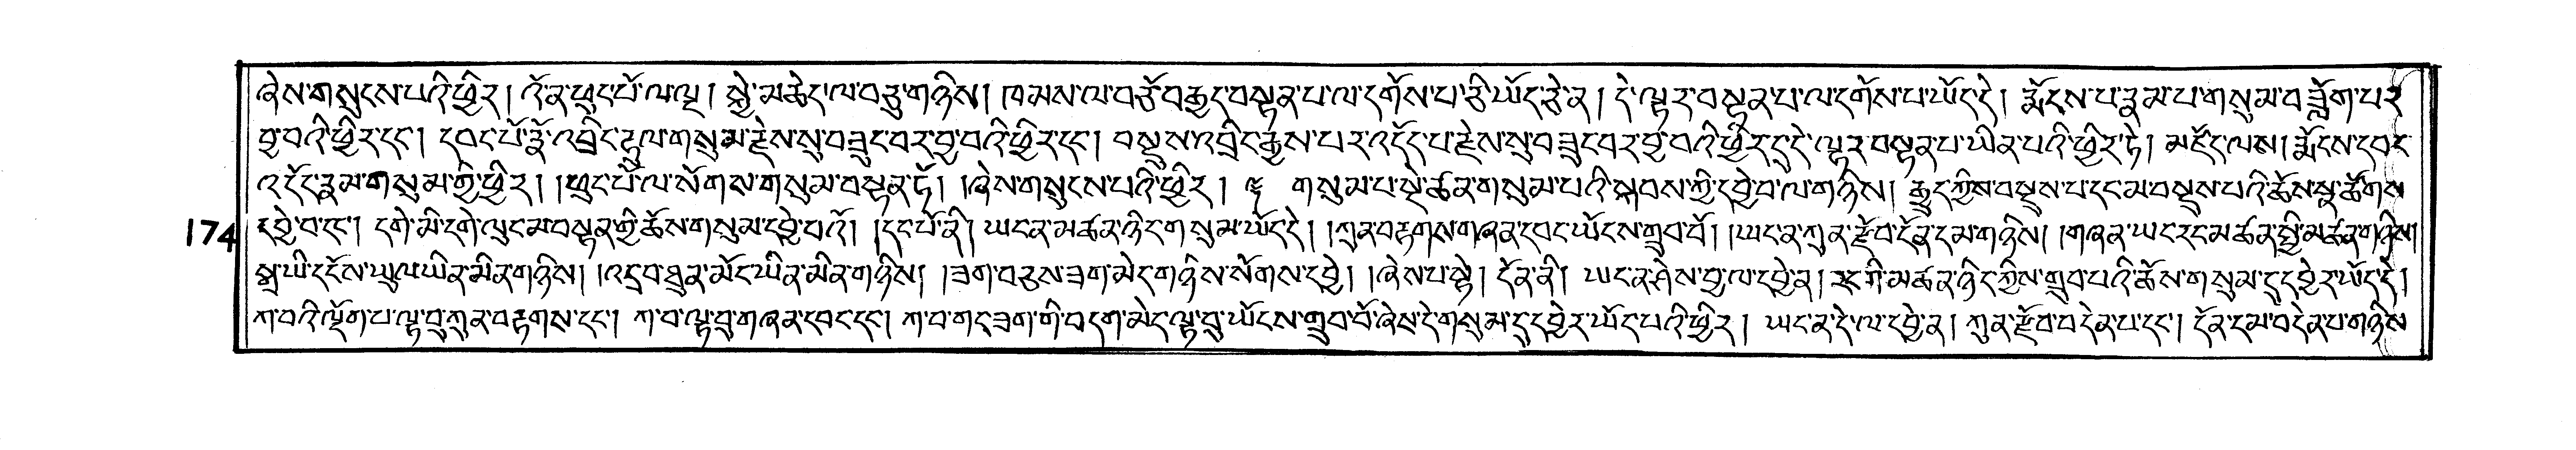ཞེས་གསུངས་པའི་ཕྱིར། འོ་ན་ཕུང་པོ་ལ་ལྔ། སྐྱེ་མཆེད་ལ་བཅུ་གཉིས། ཁམས་ལ་བཅོ་བརྒྱད་བསྟན་པ་ལ་དགོས་པ་ཅི་ཡོད་ཅེ་ན། དེ་ལྟར་བསྟན་པ་ལ་དགོས་པ་ཡོད་དེ། རྨོངས་པ་རྣམ་པ་གསུམ་བཟློག་པར་
བྱ་བའི་ཕྱིར་དང་། དབང་པོ་རྣོ་འབྲིང་རྟུལ་གསུམ་རྗེས་སུ་བཟུང་བར་བྱ་བའི་ཕྱིར་དང་། བསྡུས་འབྲིང་རྒྱས་པར་འདོད་པ་རྗེས་སུ་བཟུང་བར་བྱ་བའི་ཕྱིར་དུ་དེ་ལྟར་བསྟན་པ་ཡིན་པའི་ཕྱིར་ཏེ། མཛོད་ལས། རྨོངས་དབང་
འདོད་རྣམ་གསུམ་གྱི་ཕྱིར། །ཕུང་པོ་ལ་སོགས་གསུམ་བསྟན་ཏོ། །ཞེས་གསུངས་པའི་ཕྱིར། ༈ གསུམ་པ་སྡེ་ཚན་གསུམ་པའི་སྐབས་ཀྱི་དབྱེ་བ་ལ་གཉིས། རྒྱུད་ཀྱིས་བསྡུས་པ་དང་མ་བསྡུས་པའི་ཆོས་སྣ་ཚོགས་
དབྱེ་བ་དང་། དགེ་མི་དགེ་ལུང་མ་བསྟན་གྱི་ཆོས་གསུམ་དབྱེ་བའོ། །དང་པོ་ནི། ཡང་ན་མཚན་ཉིད་གསུམ་ཡོད་དེ། །ཀུན་བརྟགས་གཞན་དབང་ཡོངས་གྲུབ་བོ། །ཡང་ན་ཀུན་རྫོབ་དོན་དམ་གཉིས། །གཞན་ཡང་རང་མཚན་སྤྱི་མཚན་གཉིས།
སྒྲ་ཡི་དངོས་ཡུལ་ཡིན་མིན་གཉིས། །འདྲ་བ་ཐུན་མོང་ཡིན་མིན་གཉིས། །ཟག་བཅས་ཟག་མེད་གཉིས་སོགས་དབྱེ། །ཞེས་པ་སྟེ། དོན་ནི། ཡང་ན་ཤེས་བྱ་ལ་དབྱེ་ན། རང་གི་མཚན་ཉིད་ཀྱིས་གྲུབ་པའི་ཆོས་གསུམ་དུ་དབྱེར་ཡོད་དེ།
ཀ་བའི་ལྡོག་པ་ལྟ་བུ་ཀུན་བརྟགས་དང་། ཀ་བ་ལྟ་བུ་གཞན་དབང་དང་། ཀ་བ་གང་ཟག་གི་བདག་མེད་ལྟ་བུ་ཡོངས་གྲུབ་བོ་ཞེས་དེ་གསུམ་དུ་དབྱེར་ཡོད་པའི་ཕྱིར། ཡང་ན་དེ་ལ་དབྱེ་ན། ཀུན་རྫོབ་བདེན་པ་དང་། དོན་དམ་བདེན་པ་གཉིས་